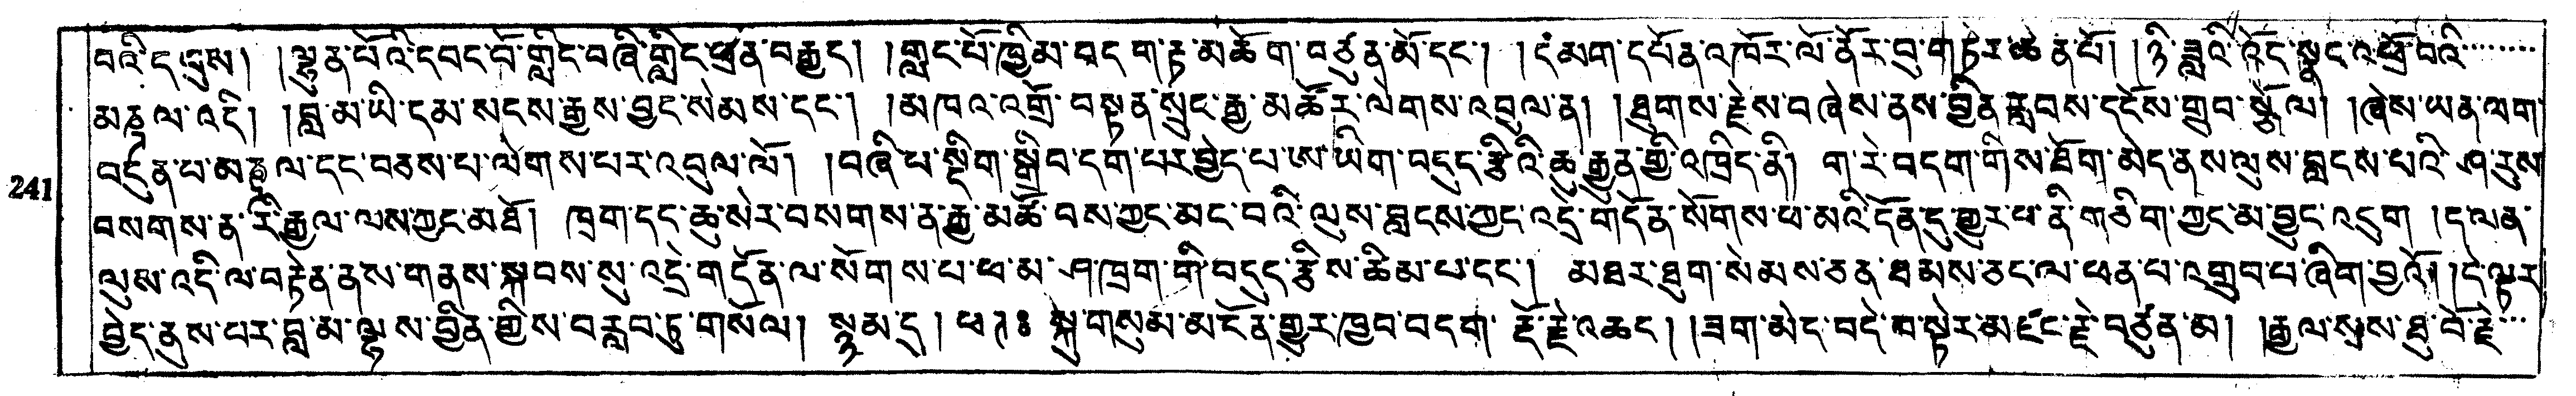བའི་དབུས། །ལྷུན་པོའི་དབང་པོ་གླིང་བཞི་གླིང་ཕྲན་བརྒྱད། །གླང་པོ་ཁྱིམ་བདག་རྟ་མཆོག་བཙུན་མོ་དང་། །དམག་དཔོན་འཁོར་ལོ་ནོར་བུ་གཏེར་ཆེན་པོ། །ཉི་ཟླའི་འོད་སྣང་འཕྲོ་བའི་
མཎྜལ་འདི། །བླ་མ་ཡི་དམ་སངས་རྒྱས་བྱང་སེམས་དང་། །མཁའ་འགྲོ་བསྟན་སྲུང་རྒྱ་མཚོར་ལེགས་འབུལ་ན། །ཐུགས་རྗེས་བཞེས་ནས་བྱིན་རླབས་དངོས་གྲུབ་སྩོལ། །ཞེས་ཡན་ལག་
བདུན་པ་མཎྜལ་དང་བཅས་པ་ལེགས་པར་འབུལ་ལོ། །བཞི་པ་སྡིག་སྒྲིབ་དག་པར་བྱེད་པ་ཨ་ཡིག་བདུད་རྩིའི་ཆུ་རྒྱུན་གྱི་འཁྲིད་ནི། ག་རེ་བདག་གིས་ཐོག་མེད་ནས་ལུས་བླངས་པའི་ཤ་རུས་
བསགས་ན་རི་རྒྱལ་ལས་ཀྱང་མཐོ། ཁྲག་དང་ཆུ་སེར་བསགས་ན་རྒྱ་མཚོ་བས་ཀྱང་མང་བའི་ལུས་བླངས་ཀྱང་འདྲེ་གདོན་སོགས་ཕ་མའི་དོན་དུ་གྱུར་པ་ནི་གཅིག་ཀྱང་མ་བྱུང་འདུག །ད་ལན་
ལུས་འདི་ལ་བརྟེན་ནས་གནས་སྐབས་སུ་འདྲེ་གདོན་ལ་སོགས་པ་ཕ་མ་ཤ་ཁྲག་གི་བདུད་རྩིས་ཚིམ་པ་དང་། མཐར་ཐུག་སེམས་ཅན་ཐམས་ཅད་ལ་ཕན་པ་འགྲུབ་པ་ཞིག་བྱའོ། །དེ་ལྟར་
བྱེད་ནུས་པར་བླ་མ་ལྷས་བྱིན་གྱིས་བརླབ་ཏུ་གསོལ། སྙམ་དུ། ཕཊཿ སྐུ་གསུམ་མངོན་གྱུར་ཁྱབ་བདག་རྡོ་རྗེ་འཆང་། །ཟག་མེད་བདེ་བ་སྟེར་མཛད་རྗེ་བཙུན་མ། །རྒྱལ་སྲས་ཐུ་བོ་རྗེ་